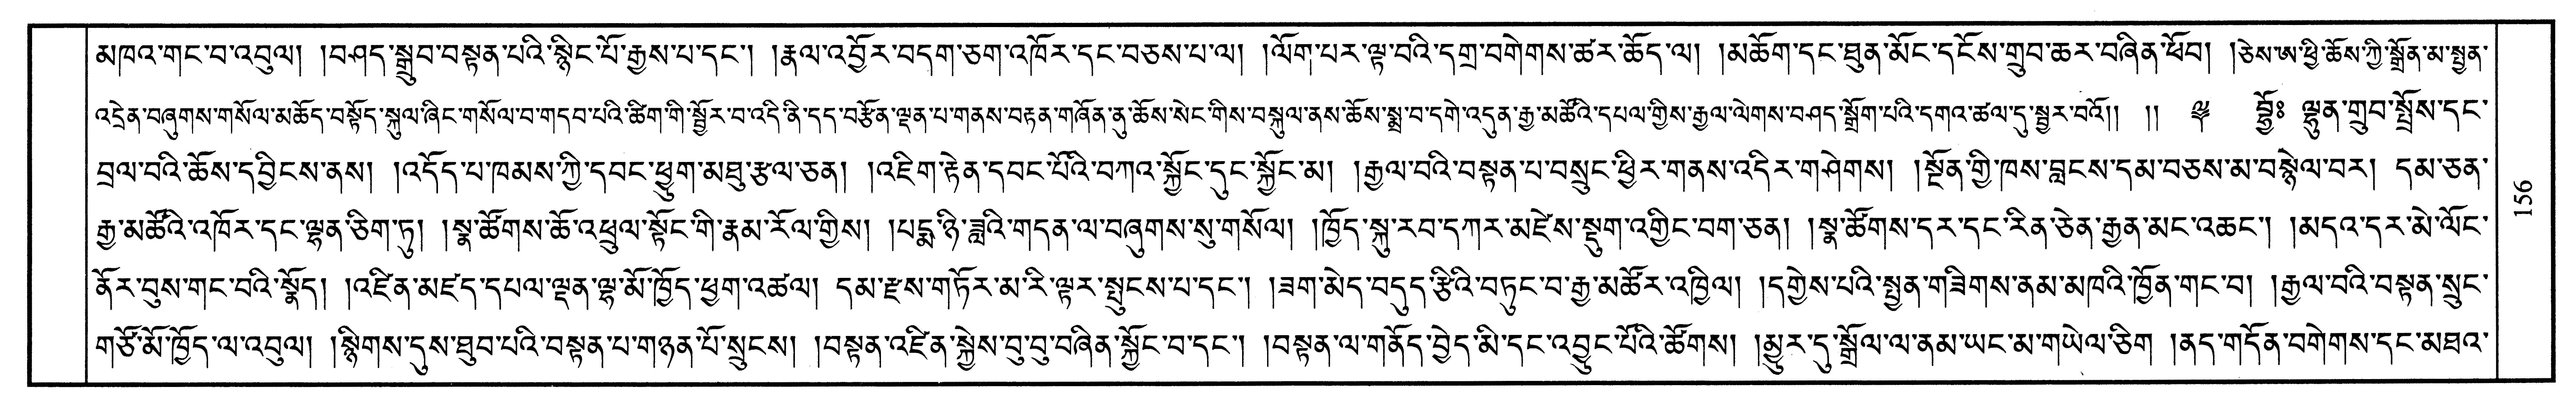མཁའ་གང་བ་འབུལ། །བཤད་སྒྲུབ་བསྟན་པའི་སྙིང་པོ་རྒྱས་པ་དང་། །རྣལ་འབྱོར་བདག་ཅག་འཁོར་དང་བཅས་པ་ལ། །ལོག་པར་ལྟ་བའི་དགྲ་བགེགས་ཚར་ཆོད་ལ། །མཆོག་དང་ཐུན་མོང་དངོས་གྲུབ་ཆར་བཞིན་ཕོབ། །ཅེས་ཨ་ཕྱི་ཆོས་ཀྱི་སྒྲོན་མ་སྤྱན་
འདྲེན་བཞུགས་གསོལ་མཆོད་བསྟོད་སྐུལ་ཞིང་གསོལ་བ་གདབ་པའི་ཚིག་གི་སྦྱོར་བ་འདི་ནི་དད་བརྩོན་ལྡན་པ་གནས་བརྟན་གཞོན་ནུ་ཆོས་སེང་གིས་བསྐུལ་ནས་ཆོས་སྨྲ་བ་དགེ་འདུན་རྒྱ་མཚོའི་དཔལ་གྱིས་རྒྱལ་ལེགས་བཤད་སྒྲོག་པའི་དགའ་ཚལ་དུ་སྦྱར་བའོ།། །། ༈ བྷྱོཿ ལྷུན་གྲུབ་སྤྲོས་དང་
བྲལ་བའི་ཆོས་དབྱིངས་ནས། །འདོད་པ་ཁམས་ཀྱི་དབང་ཕྱུག་མཐུ་རྩལ་ཅན། །འཇིག་རྟེན་དབང་པོའི་བཀའ་སྐྱོང་དུང་སྐྱོང་མ། །རྒྱལ་བའི་བསྟན་པ་བསྲུང་ཕྱིར་གནས་འདིར་གཤེགས། །སྔོན་གྱི་ཁས་བླངས་དམ་བཅས་མ་བསྙེལ་བར། །དམ་ཅན་
རྒྱ་མཚོའི་འཁོར་དང་ལྷན་ཅིག་ཏུ། །སྣ་ཚོགས་ཆོ་འཕྲུལ་སྟོང་གི་རྣམ་རོལ་གྱིས། །པདམ་ཉི་ཟླའི་གདན་ལ་བཞུགས་སུ་གསོལ། །ཁྱོད་སྐུ་རབ་དཀར་མཛེས་སྡུག་འགྱིང་བག་ཅན། །སྣ་ཚོགས་དར་དང་རིན་ཅེན་རྒྱན་མང་འཆང་། །མདའ་དར་མེ་ལོང་
ནོར་བུས་གང་བའི་སྣོད། །འཛིན་མཛད་དཔལ་ལྡན་ལྷ་མོ་ཁྱོད་ཕྱག་འཚལ། །དམ་རྫས་གཏོར་མ་རི་ལྟར་སྤུངས་པ་དང་། །ཟག་མེད་བདུད་རྩིའི་བཏུང་བ་རྒྱ་མཚོར་འཁྱིལ། །དགྱེས་པའི་སྤྱན་གཟིགས་ནམ་མཁའི་ཁྱོན་གང་བ། །རྒྱལ་བའི་བསྟན་སྲུང་
གཙོ་མོ་ཁྱོད་ལ་འབུལ། །སྙིགས་དུས་ཐུབ་པའི་བསྟན་པ་གཉན་པོ་སྲུངས། །བསྟན་འཛིན་སྐྱེས་བུ་བུ་བཞིན་སྐྱོང་བ་དང་། །བསྟན་ལ་གནོད་བྱེད་མི་དང་འབྱུང་པོའི་ཚོགས། །མྱུར་དུ་སྒྲོལ་ལ་ནམ་ཡང་མ་གཡེལ་ཅིག །ནད་གདོན་བགེགས་དང་མཐའ་